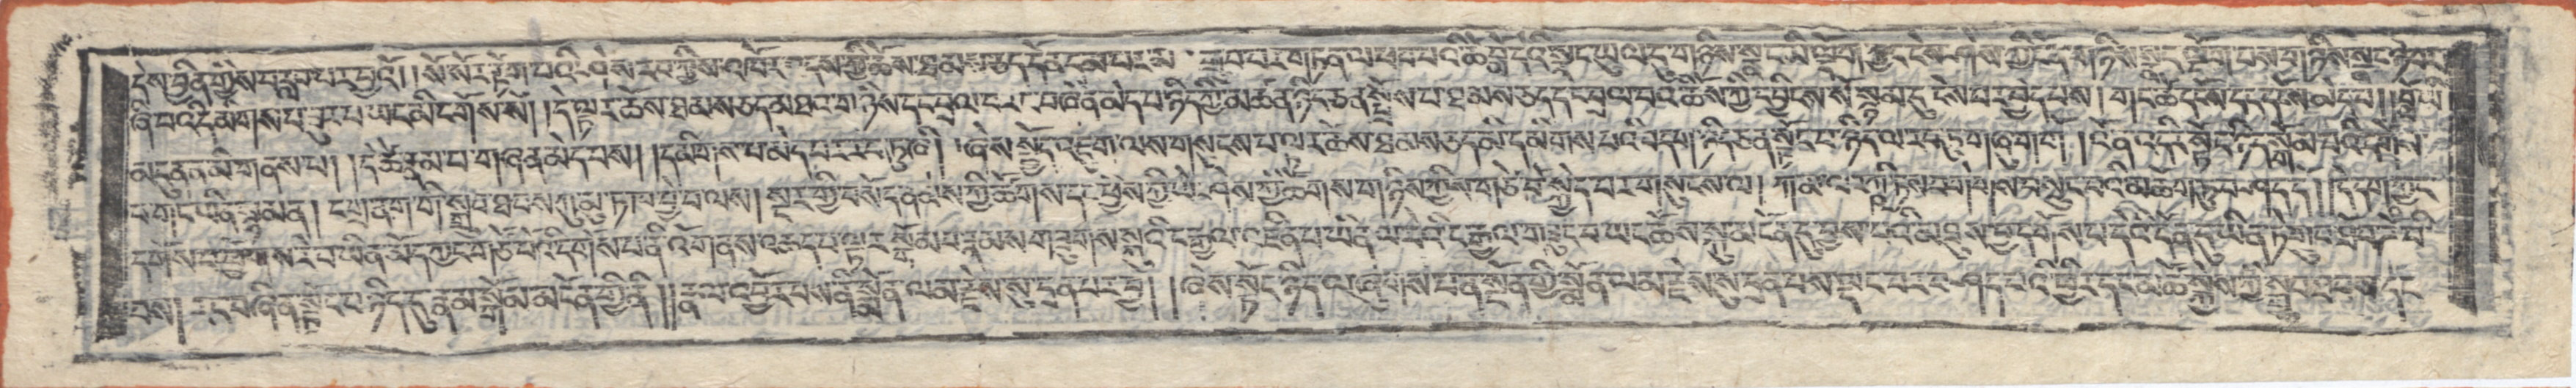དེས་བྱིན་གྱིས་བརླབ་པར་བྱའོ། །སོ་སོར་རྟོག་པའི་ཤེས་རབ་ཀྱིས་འཁོར་འདས་ཀྱི་ཆོས་ཐམས་ཅད་དོན་དམ་པར་མ་གྲུབ་པར་གཏན་ལ་ཕབ་པའི་ཚེ་བློ་དེའི་སྣང་ཡུལ་དུ་གཉིས་སྣང་མི་ལྡོག་ཀྱང་ངེས་ཤེས་ཀྱི་དོན་གཉིས་སྣང་ལྡོག་པས་གཉིས་སྣང་ཉེ་བར་
ཞི་བའི་དམིགས་པ་ཟུར་པ་ཡང་མི་དགོས་སོ། །དེ་ལྟར་ཆོས་ཐམས་ཅད་མཐའ་གཉིས་དང་བྲལ་བ་རང་བཞིན་མེད་པ་ཉིད་ཀྱི་མཚན་ཉིད་ཅན་སྤྲོས་པ་ཐམས་ཅད་དང་བྲལ་བའི་ཆོས་ཀྱི་དབྱིངས་སོ་སྙམ་དུ་ངེས་པར་བྱེད་པས། གང་ཚེ་དངོས་དང་དངོས་མེད་པ། །བློ་ཡི་
མདུན་ན་མི་གནས་པ། །དེ་ཚེ་རྣམ་པ་གཞན་མེད་པས། །དམིགས་པ་མེད་པར་རབ་ཏུ་ཞི། །ཞེས་སྤྱོད་འཇུག་ལས་གསུངས་པ་ལྟར་ཆོས་ཐམས་ཅད་མི་དམིགས་པའི་བདག་ཉིད་ཅན་སྟོང་པ་ཉིད་ལ་རབ་ཏུ་གཞུག་གོ །འོ་ན་འདིར་སྟོང་ཉིད་སྒོམ་པའི་དགོས་
པ་གང་ཡིན་སྙམ་ན། དགྲ་ནག་གི་སྒྲུབ་ཐབས་ཀུ་མུ་ཏ་ཁ་བྱེ་བ་ལས། སྔར་གྱི་བསོད་ནམས་ཀྱི་ཚོགས་དང་ཕྱིས་ཀྱི་ཡེ་ཤེས་ཀྱི་ཚོགས་གཉིས་ཀྱིས་གཙོ་བོ་སྐྱེད་པར་གསུངས་ལ། ཀ་མ་ལ་རཀྵི་ཏས་བགེགས་བསྲུང་བའི་མཆོག་ཏུ་བཤད་དོ། །དེ་དག་ཀྱང་
དགོས་པ་ཕྱོགས་རེ་བ་ཡིན་མོད་ཀྱང་གཙོ་བོའི་དགོས་པ་ནི་འོག་ནས་འཆད་པ་ལྟར་སྒོམ་པ་རྣམས་གཟུགས་སྐུའི་ང་རྒྱལ་འཛིན་པ་ཡིན་ལ་དེའི་ང་རྒྱལ་གཟུང་བ་ཡང་ཆོས་སྐུ་མངོན་དུ་བྱས་པའི་མཐུས་བྱ་དགོས་པ་དེའི་དོན་དུ་ཡིན་ཏེ་གྲུབ་ཐོབ་ཌོ་བི་
བས། རང་བཞིན་སྟོང་པ་ཉིད་དུ་རྣམ་སྒོམ་མངོན་གྱི་ནི། །རྣལ་འབྱོར་བས་ནི་སྨོན་ལམ་རྗེས་སུ་དྲན་པར་བྱ། །ཞེས་སྟོང་ཉིད་ལ་ཞུགས་པ་ན་སྔོན་གྱི་སྨོན་ལམ་རྗེས་སུ་དྲན་པས་ལྡང་བར་བཤད་པའི་ཕྱིར་དང་མཚོ་སྐྱེས་ཀྱི་སྒྲུབ་ཐབས་དང་